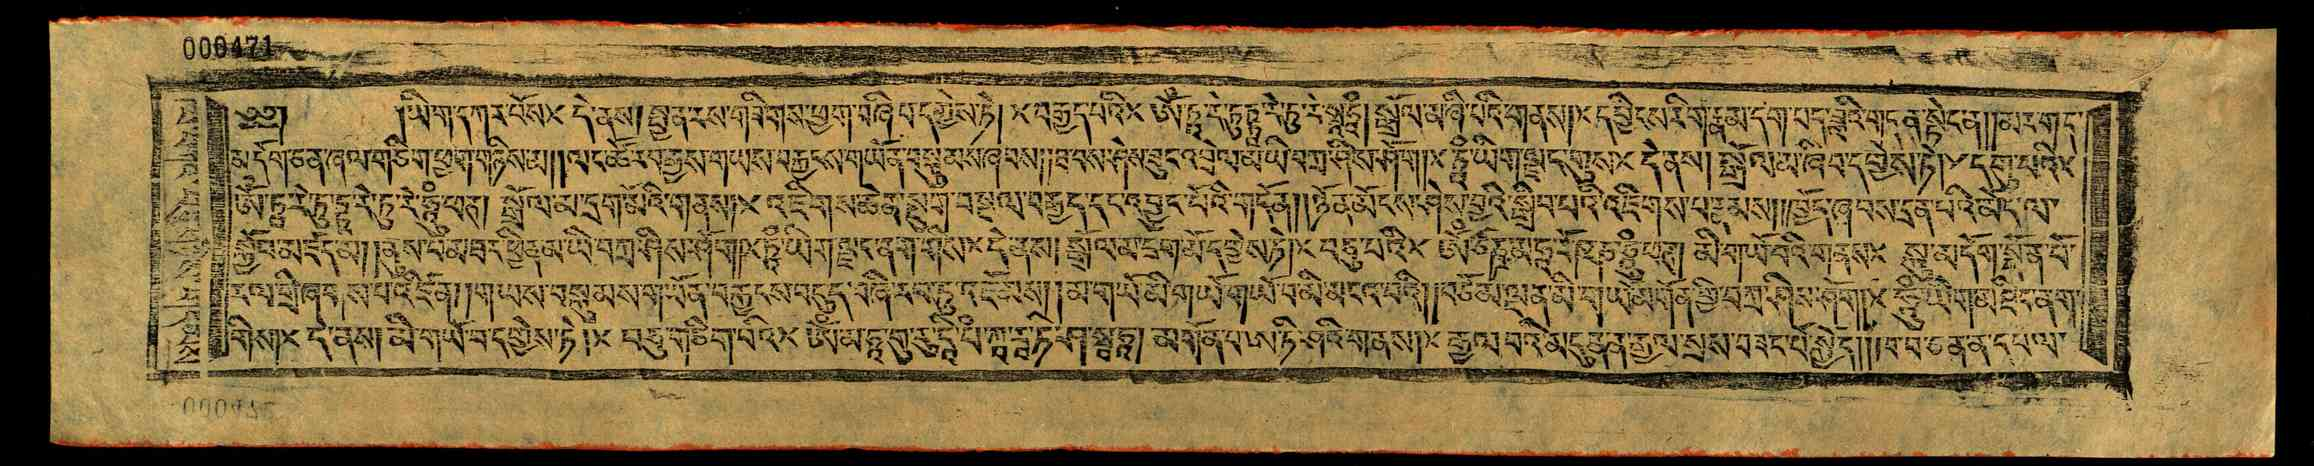༄༅། །ཡིག་དཀར་པོས་྾་དེ་ནས། སྤྱན་རས་གཟིགས་ཕྱག་བཞི་པ་དགྱིས་ཏེ། ྾་བརྒྱད་པའི་྾་ཨོཾ་ཏཱ་རེ་ཏུ་ཏྟཱ་རི་ཏུ་རེ་སྭཱཧཱ། སྒྲོལ་མ་ཞི་བའི་གནས། ྾་དབྱིངས་རིག་རྣམ་དག་པད་ཟླའི་གདན་སྟེང་ན། །མར་གད་
མདོག་ཅན་ཞལ་གཅིག་ཕྱག་གཉིས་མ། །ལང་ཚོ་རབ་རྒྱས་གཡས་བརྐྱངས་གཡོན་བསྐུམས་ཞབས། །ཐབས་ཤེས་ཟུང་འབྲེལ་མ་ཡི་བཀྲ་ཤིས་ཤོག ། ྾་ཏྲཱཾ་ཡིག་ལྗང་གུས་྾་དེ་ནས། སྒྲོལ་མ་ཞི་པ་དགྱེས་ཏེ། ྾་དགུ་པའི་྾་
ཨོཾ་ཏཱ་རེ་ཏུ་ཏྟཱ་རེ་ཏུ་རེ་ཧཱུཾ་ཕཊ། སྒྲོལ་མ་དྲག་མོའི་གནས། ྾་འཇིགས་ཆེན་སྡུག་བསྔལ་བརྒྱད་དང་འབྱུང་བའི་གདོན། །ཉོན་མོངས་ཤེས་བྱའི་སྒྲིབ་པའི་འཇིགས་པ་རྣམས། །ཁྱོད་ཞབས་དྲན་པའི་མོད་ལ་
སྐྱོབ་མཛད་མ། །ནུས་པ་མཐར་ཕྱིན་མ་ཡི་བཀྲ་ཤིས་ཤོག ། ྾་ཏཱཾ་ཡིག་ལྗང་ནག་གིས་྾་དེ་ནས། སྒྲོལ་མ་དྲག་མོ་དགྱེས་ཏེ། ྾་བཅུ་པའི་྾་ཨོཾ་ཙ་ཎཱ་མ་ཧཱ་རོ་ཥ་ཎ་ཧཱུཾ་ཕཊ། མི་གཡོ་བའི་གནས་྾་སྐུ་མདོག་སྔོན་པོ་
རལ་གྲི་ཞགས་པ་འཛིན། །གཡས་བསྐུམས་གཡོན་བརྐྱབས་བདུད་བཞི་རབ་ཏུ་འཇོམས། །མ་གཡོ་མི་གཡོ་གཡོ་བ་མི་མངའ་བའི། །བཅོམ་ལྡན་མི་གཡོ་མགོན་གྱི་བཀྲ་ཤིས་ཤོག ། ྾་ཧཱུཾ་ཡིག་མཐིང་ནག་
གིས། ྾་དེ་ནས། མི་གཡོ་བད་གྱེས་ཏེ། ྾་བཅུ་གཅིག་པའི་྾་ཨོཾ་མཧཱ་གུ་རུ་དཱི་པཾ་ཀཱ་རཱ་ཏི་ཤ་སྭཱཧཱ། མགོན་པོ་ཨ་ཏི་ཤའི་གནས། ྾་རྒྱལ་བའི་མདུན་ན་རྒྱལ་སྲས་བཟང་པོ་སྐྱོང་། །ཁ་བ་ཅན་ན་དཔལ་